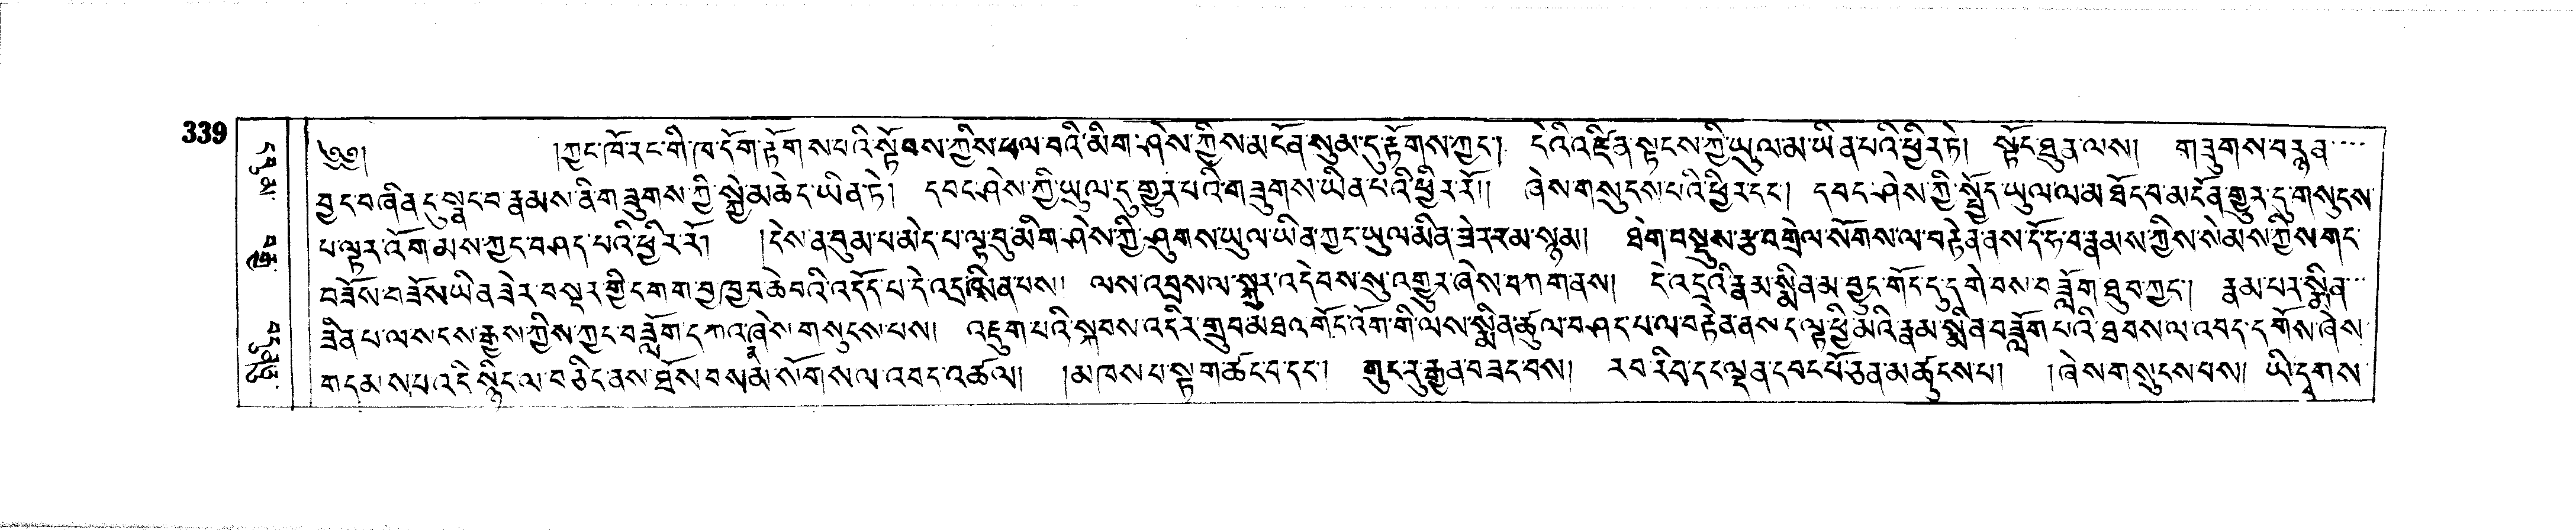༄༅། །ཀྱང་ཁོ་རང་གི་ཁ་དོག་རྟོགས་པའི་སྟོབས་ཀྱིས་ཕལ་བའི་མིག་ཤེས་ཀྱིས་མངོན་སུམ་དུ་རྟོགས་ཀྱང་། དེའི་འཛིན་སྟངས་ཀྱི་ཡུལ་མ་ཡིན་པའི་ཕྱིར་ཏེ། སྟོང་ཐུན་ལས། གཟུགས་བརྙན་
བྱང་བཞིན་དུ་སྣང་བ་རྣམས་ནི་གཟུགས་ཀྱི་སྐྱེ་མཆེད་ཡིན་ཏེ། དབང་ཤེས་ཀྱི་ཡུལ་དུ་གྱུར་པའི་གཟུགས་ཡིན་པའི་ཕྱིར་རོ། །ཞེས་གསུངས་པའི་ཕྱིར་དང་། དབང་ཤེས་ཀྱི་སྤྱོད་ཡུལ་ལ་མཐོང་བ་མངོན་གྱུར་དུ་གསུངས་
པ་ལྟར་འོག་མས་ཀྱང་བཤད་པའི་ཕྱིར་རོ། །དེས་ན་བུམ་པ་མེད་པ་ལྟ་བུ་མིག་ཤེས་ཀྱི་ཤུགས་ཡུལ་ཡིན་ཀྱང་ཡུལ་མིན་ཟེར་རམ་སྙམ། ཐེག་བསྡུས་རྩ་འགྲེལ་སོགས་ལ་བརྟེན་ནས་དོ་ཧ་བ་རྣམས་ཀྱིས་སེམས་ཀྱིས་གང་
བཟོས་བཟོས་ཡིན་ཟེར་བ་སྔར་གྱི་དགག་བྱ་ཁྱབ་ཆེ་བའི་འདོད་པ་དེ་འདྲ་ཡིན་པས། ལས་འབྲས་ལ་སྐུར་འདེབས་སུ་འགྱུར་ཞེས་བཀག་ནས། དེ་འདྲའི་རྣམ་སྨིན་མ་བྱུང་གོང་དུ་དགེ་བས་བཟློག་ཐུབ་ཀྱང་། རྣམ་པར་སྨིན་
ཟིན་པ་ལ་སངས་རྒྱས་ཀྱིས་ཀྱང་བཟློག་དཀའ་ན་ཞེས་གསུངས་པས། འཇུག་པའི་སྐབས་འདིར་གྲུབ་མཐའ་གོང་འོག་གི་ལས་སྨིན་ཚུལ་བཤད་པ་ལ་བརྟེན་ནས་ད་ལྟ་ཕྱི་མའི་རྣམ་སྨིན་བཟློག་པའི་ཐབས་ལ་འབད་དགོས་ཞེས་
གདམས་པ་འདི་སྙིང་ལ་བཅིང་ནས་ཐོས་བསམ་སོགས་ལ་འབད་འཚལ། །མཁས་པ་སྟག་ཚང་བ་དང་། གུང་རུ་རྒྱན་བཟང་བས། རབ་རིབ་དང་ལྡན་དབང་པོ་ཅན་མཚུངས་པ། །ཞེས་གསུངས་པས། ཡི་དྭགས་